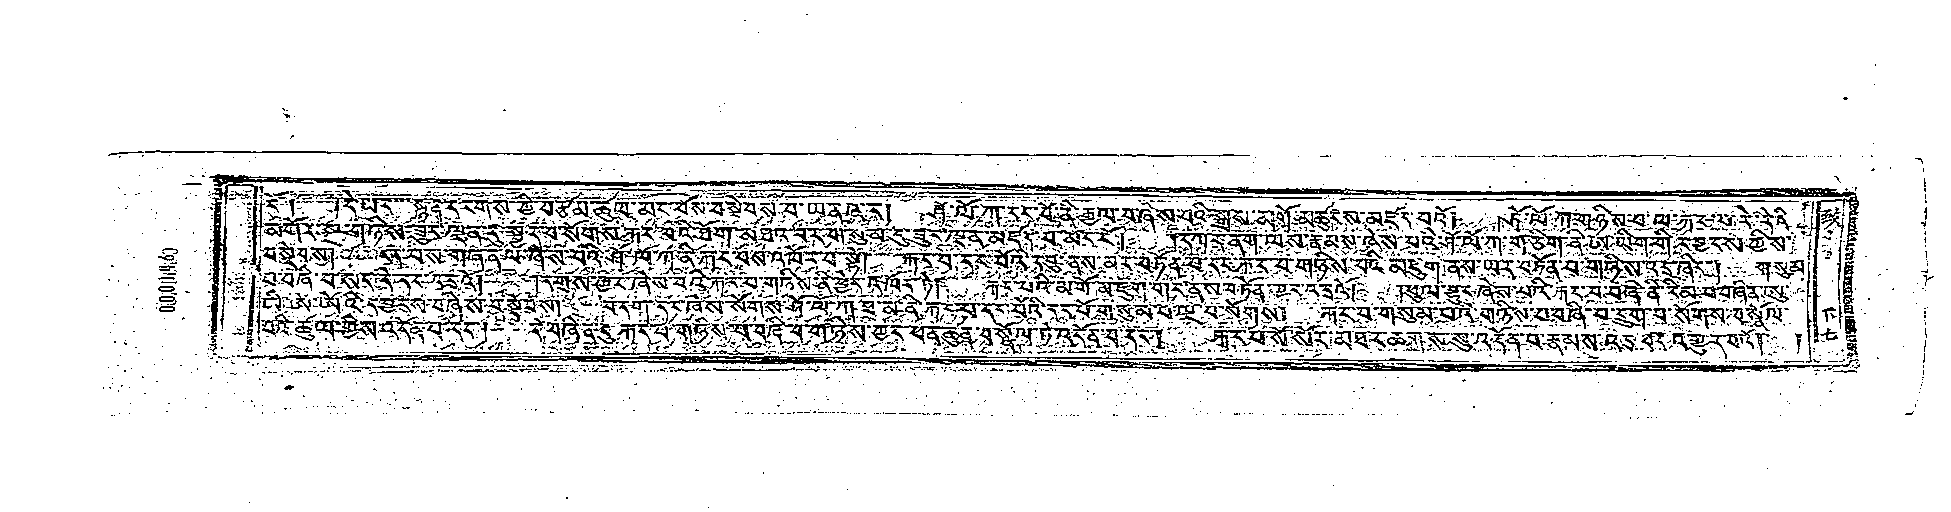ངོ། །དེ་ཡང་སྙན་དངགས་ཀྱི་བརྩམ་ཚུལ་མང་བོས་བསྡེབས་བ་ཡིན་ཞིང་། ཤོ་ལོ་ཀ་དང་བོ་ནི་རྒྱལ་བ་ཞེས་པའི་སྒྲས་མགོ་མཚུངས་མཛད་པའོ། །ཤོ་ལོ་ཀ་གཉིས་པ་ལ་རྐང་པ་རེ་རེའི་
མགོར་སྔེ་གཉིས་ཟུང་ལྡན་དུ་སྦྱར་བ་སོགས་རྐང་བའི་ཐོག་མཐའ་བར་གསུམ་དུ་ཟུང་ལྡན་མཛད་པ་མང་ངོ། །དཀར་ནག་ལས་རྣམས་ཞེས་པའི་ཤོ་ལོ་ཀ་གཅིག་ནི་ཨ་ཡིག་གི་དབྱངས་ཀྱིས་
བསྡེབས། དད་པས་གཞན་ལོ་ཞེས་པའི་ཤོ་ལོ་ཀ་ནི་རྐང་བས་འཁོར་བ་སྟེ། རྐང་བ་དང་པོའི་དབུ་ནས་མར་བཏོན་བ་དང་རྐང་བ་གཉིས་པའི་མཇུག་ནས་ཡར་བཏོན་པ་གཉིས་འདྲ་ཞིང་། གསུམ་
བ་བཞི་བསང་དེ་དང་འདྲའོ། །དགྲས་ཀྱང་ཞེས་བའི་རྐང་པ་གཉིས་ནི་ཕྱེད་འཁོར་ཏེ། རྐང་པའི་མགོ་མཇུག་གང་ནས་བཏོན་ཀྱང་འདྲའོ། །ཕུལ་བྱུང་ཞེས་པའི་རྐང་བ་བཞི་ནི་རིམ་པ་བཞིན་ཨུ་
ཨི་ཨེ་ཨོའི་དབྱངས་བཞིས་བ་སྡེབས། བདག་དང་ཞེས་སོགས་ཤོ་ལོ་ཀ་ཐ་མ་ནི་རྐང་པ་དང་པོའི་དང་པོ་གསུམ་པ་ལྔ་པ་སོགས། རྐང་པ་གསུམ་པའི་གཉིས་པ་བཞི་བ་དྲུག་པ་སོགས་བསྣོལ་
བའི་ཚུལ་གྱིས་འདོན་བ་དང་། དེ་བཞིན་དུ་རྐང་པ་གཉིས་པ་བཞི་བ་གཉིས་ཀྱང་ཕན་ཚུན་བསྣོལ་ཏེ་འདོན་བ་དང་། རྐང་པ་སོ་སོར་མཐར་ཆགས་སུ་འདོན་པ་རྣམས་འདྲ་བར་འགྱུར་བའོ། །